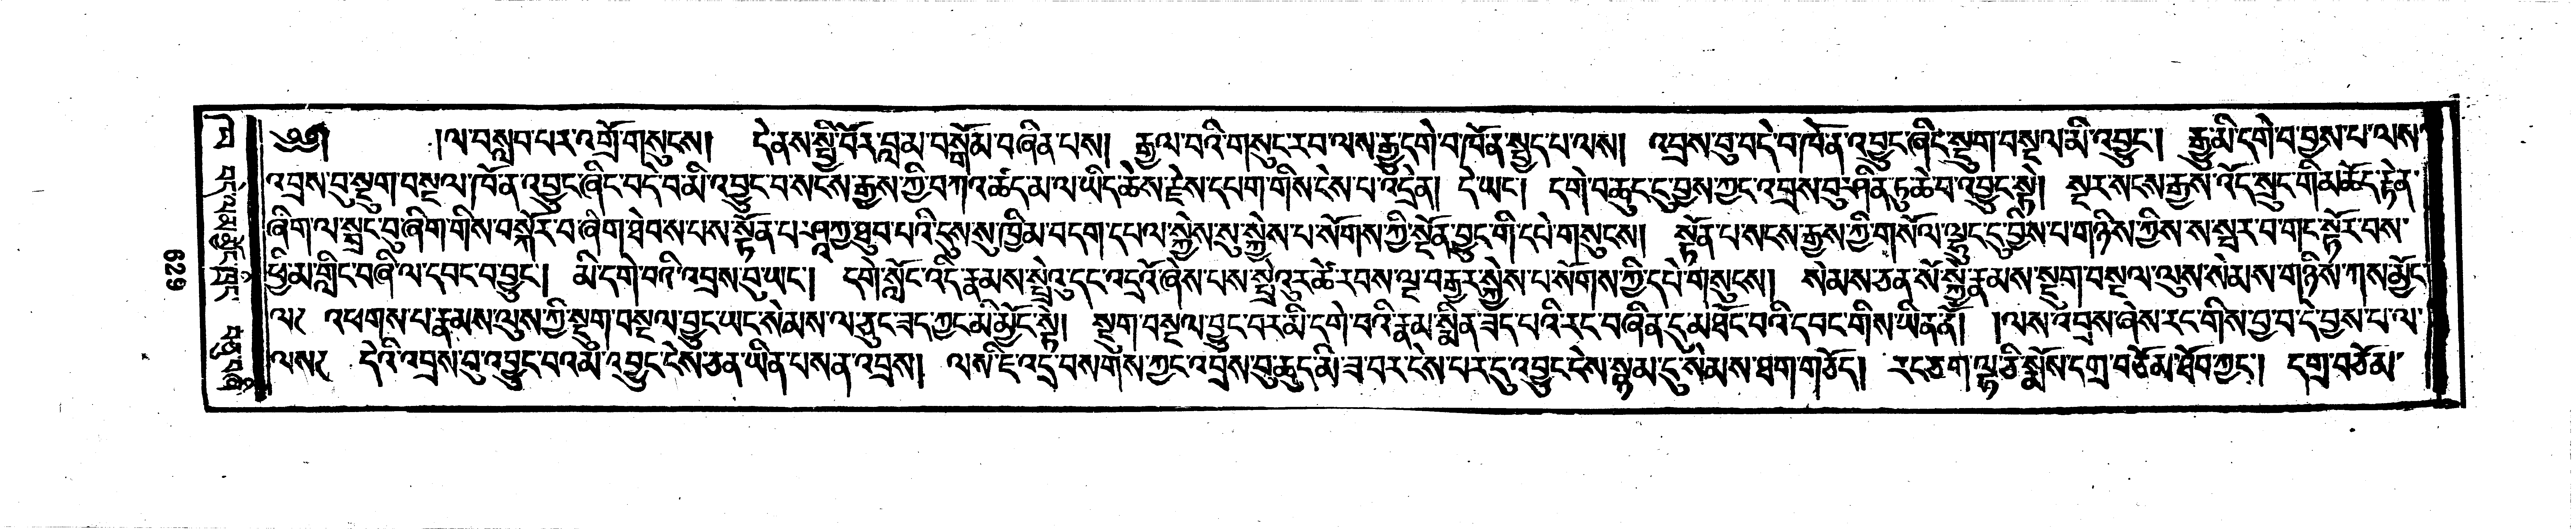༄༅། །ལ་བསླབ་པར་འགྲོ་གསུངས། དེ་ནས་སྤྱི་བོར་བླ་མ་བསྒོམ་བཞིན་པས། རྒྱལ་བའི་གསུང་རབ་ལས་རྒྱུ་དགེ་བ་ཁོ་ན་སྦྱད་པ་ལས། འབྲས་བུ་བདེ་བ་ཁོ་ན་འབྱུང་ཞིང་སྡུག་བསྔལ་མི་འབྱུང་། རྒྱུ་མི་དགེ་བ་བྱས་པ་ལས་
འབྲས་བུ་སྡུག་བསྔལ་ཁོ་ན་འབྱུང་ཞིང་བདེ་བ་མི་འབྱུང་བ་སངས་རྒྱས་ཀྱི་བཀའ་ཚད་མ་ལ་ཡིད་ཆེས་རྗེས་དཔག་གིས་ངེས་པ་འདྲེན། དེ་ཡང་། དགེ་བ་ཆུང་དུ་བྱས་ཀྱང་འབྲས་བུ་ཤིན་ཏུ་ཆེ་བ་འབྱུང་སྟེ། སྔར་སངས་རྒྱས་འོད་སྲུང་གི་མཆོད་རྟེན་
ཞིག་ལ་སྦྲང་བུ་ཞིག་གིས་བསྐོར་བ་ཞིག་ཐེབ་ས་པས་སྟོན་པ་ཤཱཀྱ་ཐུབ་པའི་དུས་སུ་ཁྱིམ་བདག་དཔལ་སྐྱེས་སུ་སྐྱེས་པ་སོགས་ཀྱི་སྔོན་བྱུང་གི་དཔེ་གསུངས། སྟོན་པ་སངས་རྒྱས་ཀྱི་གསོལ་ལྷུང་དུ་བྱིས་པ་གཉིས་ཀྱིས་ས་སྦར་བ་གང་སྟོར་པས་
ཕྱི་མ་གླིང་བཞི་ལ་དབང་བ་བྱུང་། མི་དགེ་བའི་འབྲས་བུ་ཡང་། དགེ་སློང་འདི་རྣམས་སྤྲེའུ་དང་འདྲའོ་ཞེས་པས་སྤྲེའུར་ཚེ་རབས་ལྔ་བརྒྱར་སྐྱེས་པ་སོགས་ཀྱི་དཔེ་གསུངས། སེམས་ཅན་སོ་སྐྱེ་རྣམས་སྡུག་བསྔལ་ལུས་སེམས་གཉིས་ཀས་མྱོང་
ལ༑ འཕགས་པ་རྣམས་ལུས་ཀྱི་སྡུག་བསྔལ་བྱུང་ཡང་སེམས་ལ་ཅུང་ཟད་ཀྱང་མི་མྱོང་སྟེ། སྡུག་བསྔལ་བྱུང་བར་མི་དགེ་བའི་རྣམ་སྨིན་ཟད་པའི་རང་བཞིན་དུ་མཐོང་བའི་དབང་གིས་ཡིན་ནོ། །ལས་འབྲས་ཞེས་རང་གིས་བྱ་བ་དེ་བྱས་པ་ལ་
ལས༑ དེའི་འབྲས་བུ་འབྱུང་བའམ་འབྱུང་ངེས་ཅན་ཡིན་པས་ན་འབྲས། ལས་ཇི་འདྲ་བསགས་ཀྱང་འབྲས་བུ་ཆུད་མི་ཟ་བར་ངེས་པར་དུ་འབྱུང་ངེས་སྙམ་དུ་སེམས་ཐག་གཅོད། རང་ཅག་ལྷ་ཅི་སྨོས་དགྲ་བཅོམ་ཐོབ་ཀྱང་། དགྲ་བཅོམ་